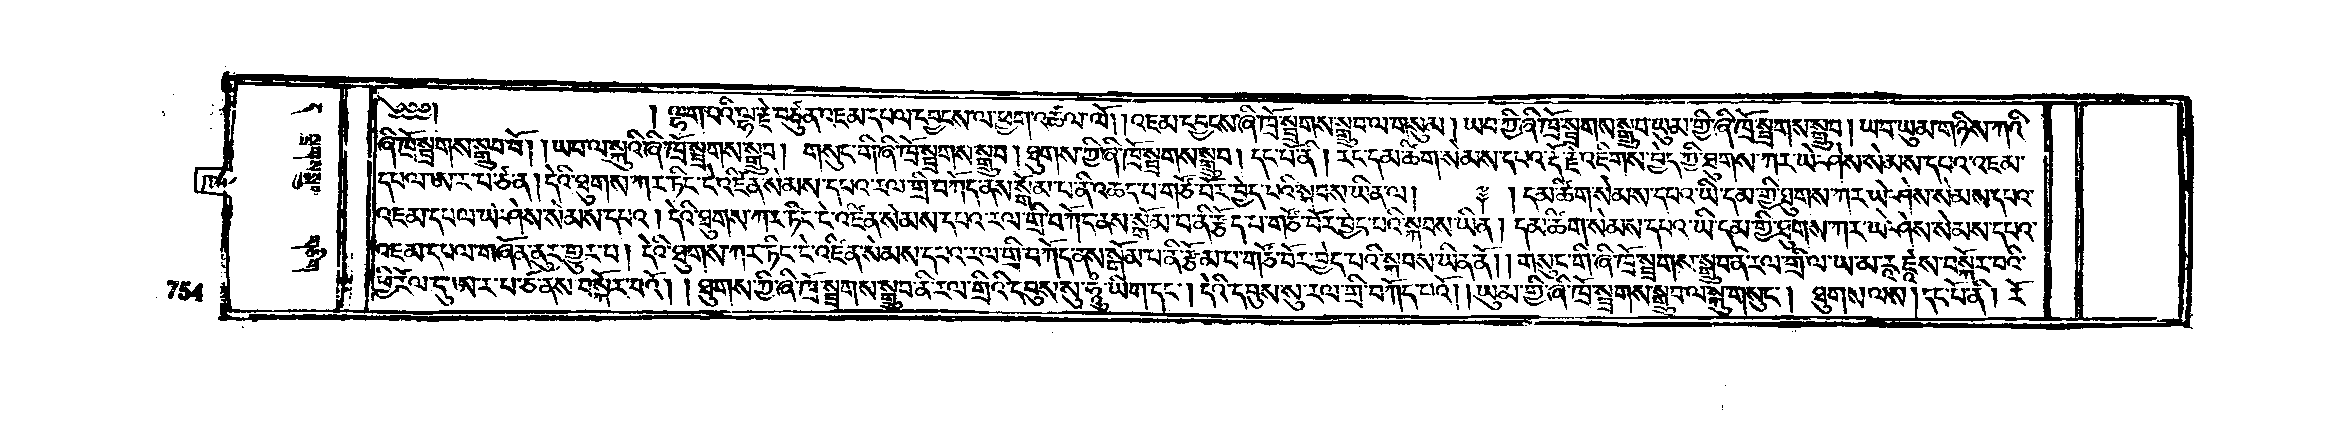༄༅༅། །ལྷག་པའི་ལྷ་རྗེ་བཙུན་འཇམ་དཔལ་དབྱངས་ལ་ཕྱག་འཚལ་ལོ། །འཇམ་དབྱངས་ཞི་ཁྲོ་སྦྲགས་སྒྲུབ་ལ་གསུམ། ཡབ་ཀྱི་ཞི་ཁྲོ་སྦྲགས་སྒྲུབ་ཡུམ་གྱི་ཞི་ཁྲོ་སྦྲགས་སྒྲུབ། ཡབ་ཡུམ་གཉིས་ཀའི་
ཞི་ཁྲོ་སྦྲགས་སྒྲུབ་བོ། །ཡབ་ལ་སྐུའི་ཞི་ཁྲོ་སྦྲགས་སྒྲུབ། གསུང་གི་ཞི་ཁྲོ་སྦྲགས་སྒྲུབ། ཐུགས་ཀྱི་ཞི་ཁྲོ་སྦྲགས་སྒྲུབ། དང་པོ་ནི། རང་དམ་ཚིག་སེམས་དཔའ་རྡོ་རྗེ་འཇིགས་བྱེད་ཀྱི་ཐུགས་ཀར་ཡེ་ཤེས་སེམས་དཔའ་འཇམ་
དཔལ་ཨ་ར་པ་ཙ་ན། དེའི་ཐུགས་ཀར་ཏིང་ངེ་འཛིན་སེམས་དཔའ་རལ་གྲི་བཀོད་ནས་སྒོམ་པ་ནི་འཆད་པ་གཙོ་བོར་བྱེད་པའི་སྐབས་ཡིན་ལ། ༈ །དམ་ཚིག་སེམས་དཔའ་ཡི་དམ་གྱི་ཐུགས་ཀར་ཡེ་ཤེས་སེམས་དཔའ་
འཇམ་དཔལ་ཡེ་ཤེས་སེམས་དཔའ། དེའི་ཐུགས་ཀར་ཏིང་ངེ་འཛིན་སེམས་དཔའ་རལ་གྲི་བཀོད་ནས་སྒོམ་པ་ནི་རྩོད་པ་གཙོ་བོར་བྱེད་པའི་སྐབས་ཡིན། དམ་ཚིག་སེམས་དཔའ་ཡི་དམ་གྱི་ཐུགས་ཀར་ཡེ་ཤེས་སེམས་དཔའ་
འཇམ་དཔལ་གཞོན་ནུར་གྱུར་པ། དེའི་ཐུགས་ཀར་ཏིང་ངེ་འཛིན་སེམས་དཔའ་རལ་གྲི་བཀོད་ནས་སྒོམ་པ་ནི་རྩོམ་པ་གཙོ་བོར་བྱེད་པའི་སྐབས་ཡིན་ནོ། །གསུང་གི་ཞི་ཁྲོ་སྦྲགས་སྒྲུབ་ནི་རལ་གྲི་ལ་ཡ་མ་རཱ་ཛཱས་བསྐོར་བའི་
ཕྱི་རོལ་དུ་ཨ་ར་པ་ཙ་ནས་བསྐོར་བའོ། །ཐུགས་ཀྱི་ཞི་ཁྲོ་སྦྲགས་སྒྲུབ་ནི་རལ་གྲིའི་དབུས་སུ་ཧཱུཾ་ཡིག་དང་། དེའི་དབུས་སུ་རལ་གྲི་བཀོད་པའོ། །ཡུམ་གྱི་ཞི་ཁྲོ་སྦྲགས་སྒྲུབ་ལ་སྐུ་གསུང་། ཐུགས་ལས། དང་པོ་ནི། རོ་